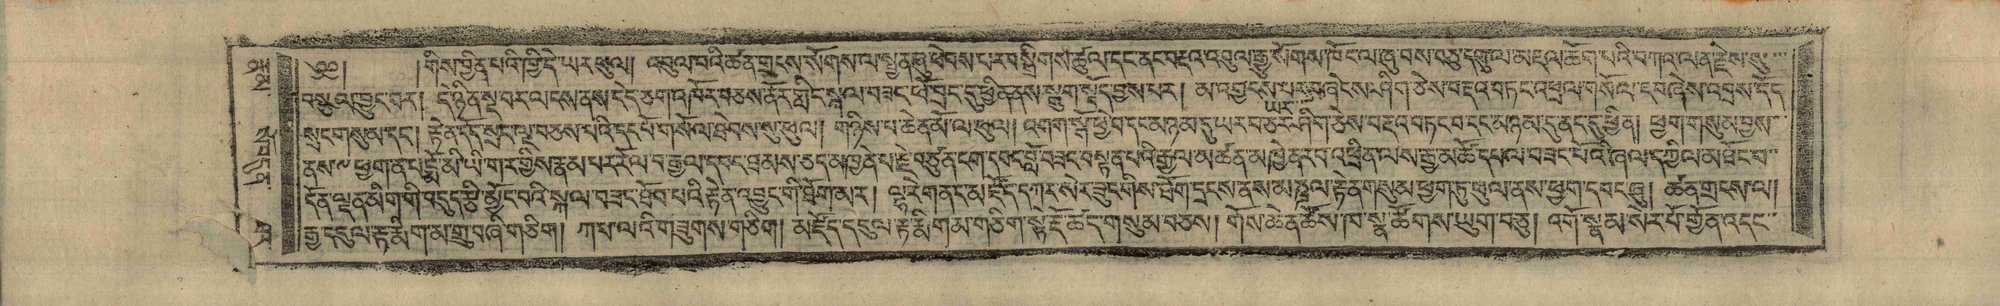༄༅། །གིས་བྱིན་པའི་ཁྱི་དེ་ཡར་ཕུལ། འབུལ་བའི་ཚན་གྲངས་སོགས་ལ་སྦྱན་ཞུ་ཕེབས་པར་བསྒྲིགས་ཚུལ་དང་ནང་བརྡའ་འབུལ་རྒྱུ་སོགས་ཁོང་ལ་ཞུ་བས་བཅུ་དགུ་ལ་མཇལ་ཆོག་པའི་བཀའ་ལན་རྗེས་སུ་
བསྩལ་བྱུང་བར། དེ་ཉིན་སྔ་བར་ལངས་ནས་ངེད་ཅག་འཁོར་བཅས་ནོར་གླིང་སྐལ་བཟང་ཕོ་བྲང་དུ་ཕྱིན་ནས་སྒུག་སྡོད་བྱས་པར། མ་འགྱངས་པར་ཡར་བཞེངས་ཤིག་ཅེས་བརྡའ་བཏང་འཕྲལ་གསོལ་ཇ་བཞེས་འབྲས་དོད་
སྲང་གསུམ་དང་། རྟེན་དོད་སྲང་ལྔ་བཅས་པའི་དང་པོ་གསོལ་ཐེབས་སུ་ཕུལ། གཉིས་པ་ཆེན་མོ་ལ་ཕུལ། འགག་སྒོ་ཕྱེ་བ་དང་མཉམ་དུ་ཡར་བཅར་ཤིག་ཅེས་བརྡའ་བཏང་བ་དང་མཉམ་དུ་ནང་དུ་ཕྱིན། ཕྱག་གསུམ་བྱས་
ནས་༧ཕྱག་ན་པདམོ་མི་ཡི་གར་གྱིས་རྣམ་པར་རོལ་བ་རྒྱལ་དབང་ཐམས་ཅད་མཁྱེན་པ་རྗེ་བཙུན་ངག་དབང་བློ་བཟང་བསྟན་པའི་རྒྱལ་མཚན་མཁྱེན་རབ་འཕྲིན་ལས་རྒྱ་མཚོ་དཔལ་བཟང་པོའི་ཞལ་དཀྱིལ་མཐོང་བ་
དོན་ལྡན་མིག་གི་བདུད་རྩི་མྱོང་བའི་སྐལ་བཟང་ཐོབ་པའི་རྟེན་འབྱུང་གི་ཐོག་མར། ལྷ་རེག་ནང་མཛོད་དཀར་སེར་ཟུང་གིས་ཐོག་དྲངས་ནས་མཎྜལ་རྟེན་གསུམ་ཕྱག་ཏུ་ཕུལ་ནས་ཕྱག་དབང་ཞུ། ཚན་གྲངས་ལ།
རྒྱ་དངུལ་རྟ་རྨིག་མ་གྲུ་བཞི་གཅིག །ཀ་པ་ལའི་གཟུགས་གཅིག །མཛོད་དངུལ་རྟ་རྨིག་མ་གཅིག་སྟེ་རྡོ་ཚད་གསུམ་བཅས། གོས་ཆེན་ཚོས་ཁ་སྣ་ཚོགས་ཡུག་བཅུ། འགོ་སྣམ་སེར་པོ་གྱོན་འདང་